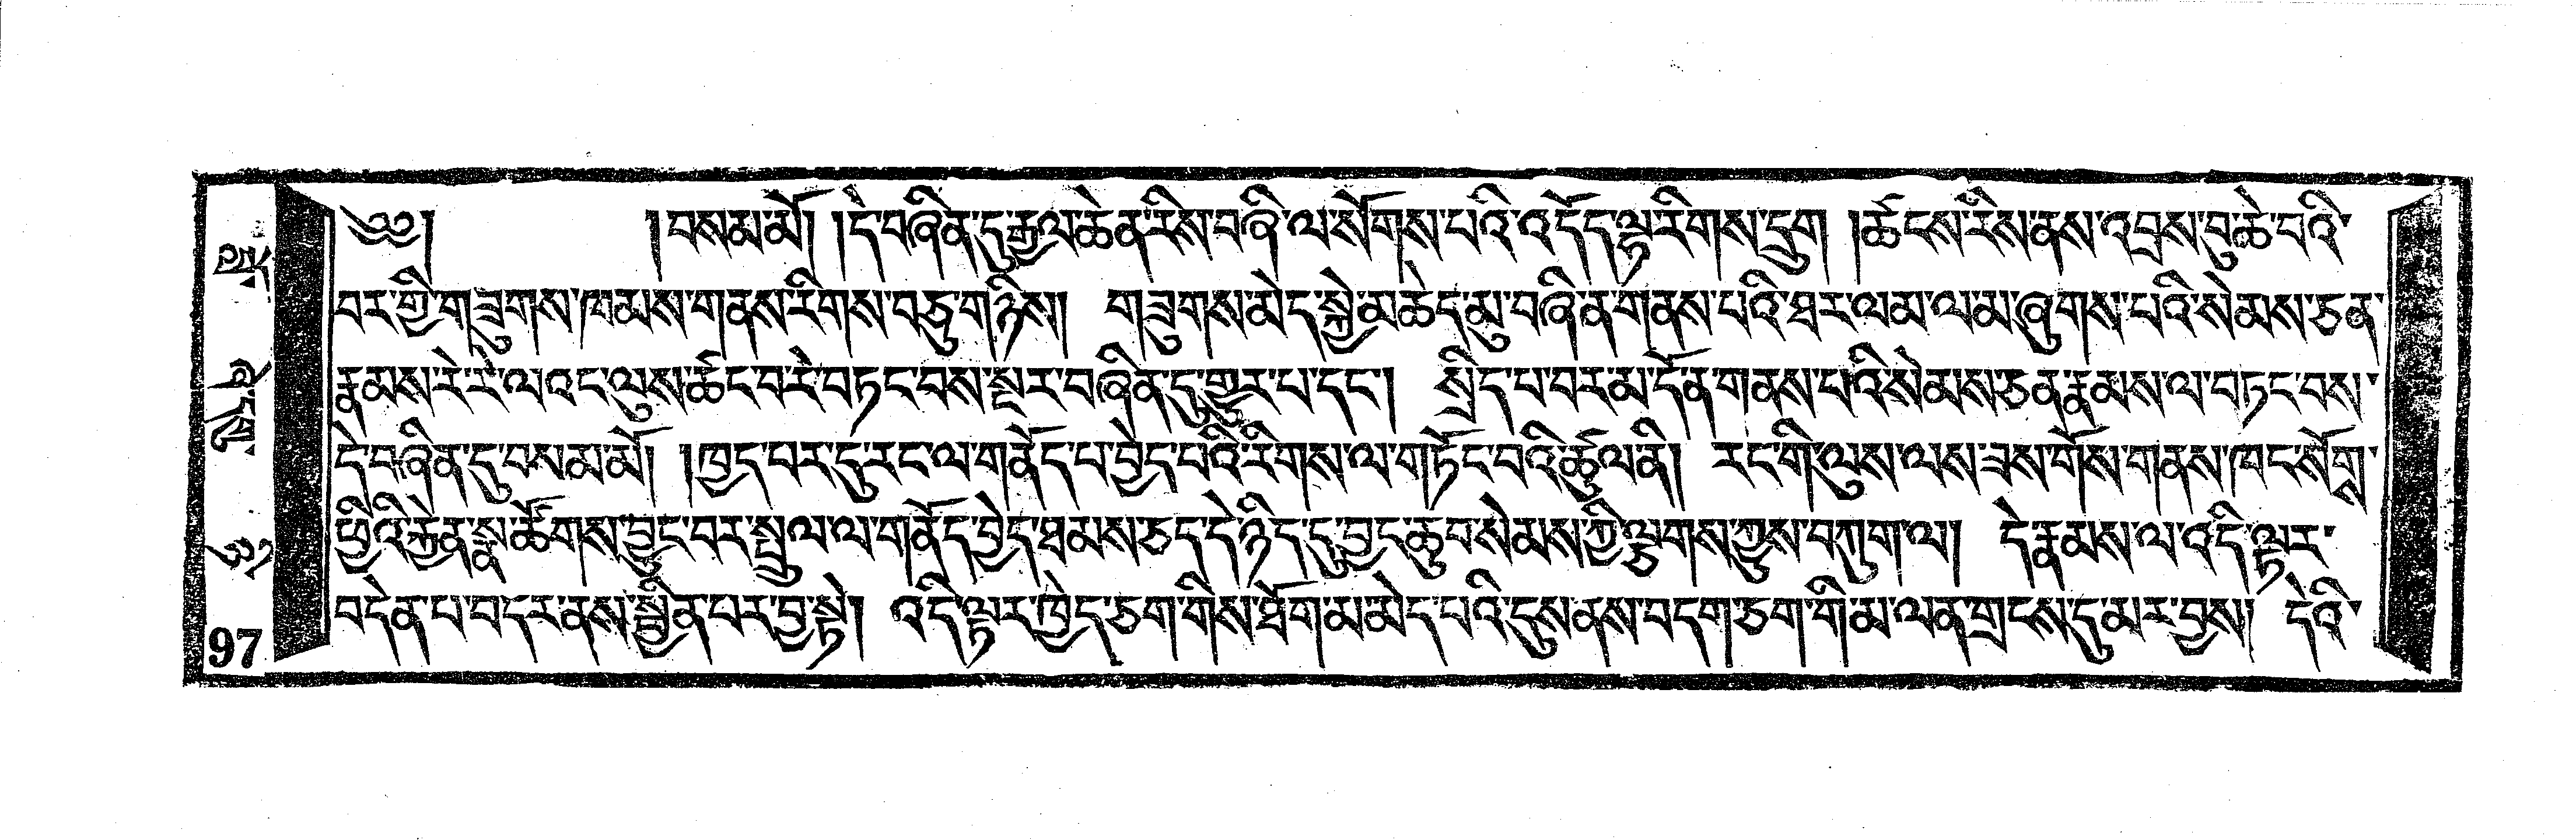༄༅། །བསམ་མོ། །དེ་བཞིན་དུ་རྒྱལ་ཆེན་རིས་བཞི་ལ་སོགས་པའི་འདོད་ལྷ་རིགས་དྲུག །ཚངས་རིས་ནས་འབྲས་བུ་ཆེ་བའི་
བར་གྱི་གཟུགས་ཁམས་གནས་རིགས་བཅུ་གཉིས། གཟུགས་མེད་སྐྱེ་མཆེད་མུ་བཞི་ན་གནས་པའི་ཐར་ལམ་ལ་མ་ཞུགས་པའི་སེམས་ཅན་
རྣམས་རེ་རེ་ལའང་ལུས་ཚང་བ་རེ་བཏང་བས་སྔར་བཞིན་དུ་གྱུར་པ་དང་། སྲིད་པ་བར་མ་དོ་ན་གནས་པའི་སེམས་ཅན་རྣམས་ལ་བཏང་བས་
དེ་བཞིན་དུ་བསམ་མོ། །ཁྱད་པར་དུ་རང་ལ་གནོད་པ་བྱེད་པའི་རིགས་ལ་གཏོང་བའི་ཚུལ་ནི། རང་གི་ལུས་ལས་ཟས་གོས་གནས་ཁང་སོགས་
ཕྱིའི་རྐྱེན་སྣ་ཚོགས་བྱུང་བར་སྤྲུལ་ལ་གནོད་བྱེད་ཐམས་ཅད་དེ་ཉིད་དུ་བྱང་ཆུབ་སེམས་ཀྱི་ལྕགས་ཀྱུས་བཀུག་ལ། དེ་རྣམས་ལ་འདི་ལྟར་
བདེན་པ་བདར་ནས་སྦྱིན་པར་བྱ་སྟེ། འདི་ལྟར་ཁྱེད་ཅག་གིས་ཐོག་མ་མེད་པའི་དུས་ནས་བདག་ཅག་གི་མ་ལན་གྲངས་དུ་མར་བྱས། དེའི་